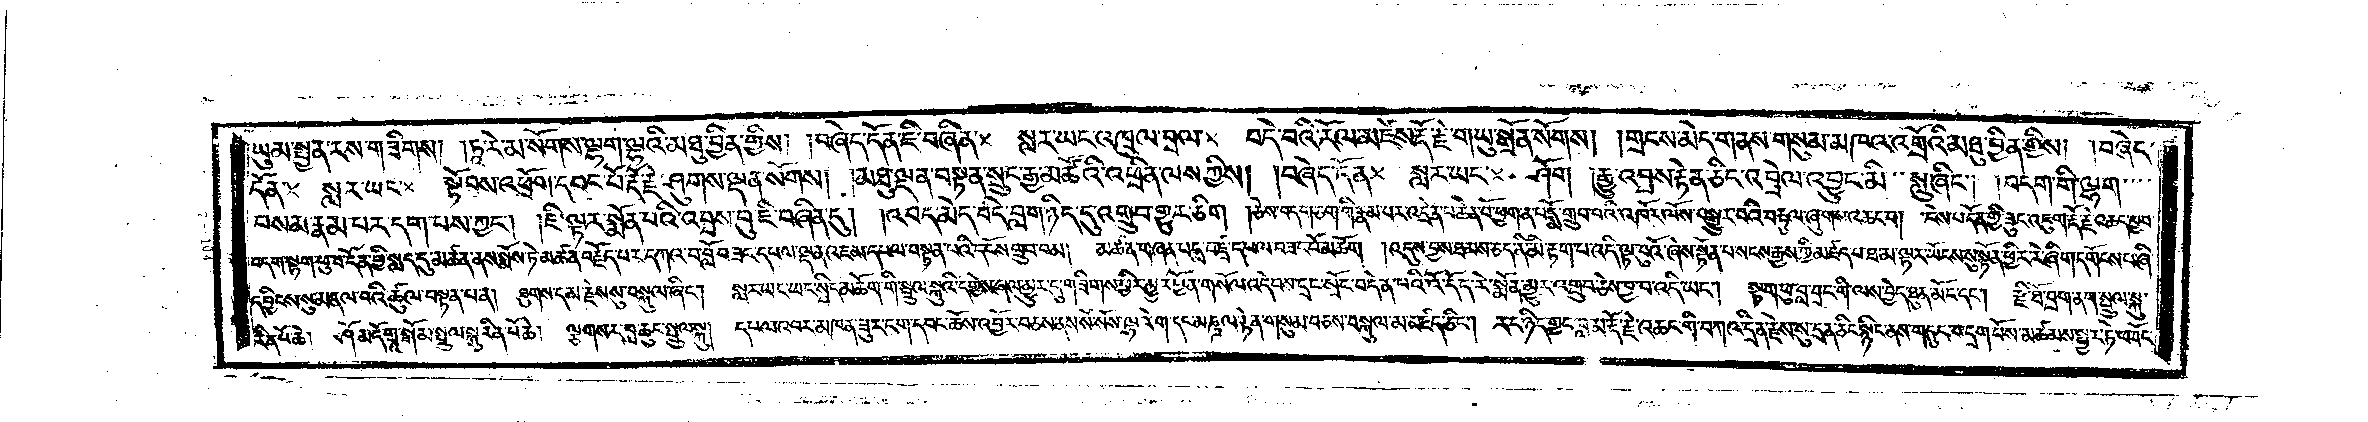ཡུམ་སྤྱན་རས་གཟིགས། །ཏཱ་རེ་མ་སོགས་ལྷག་ལྷའི་མཐུ་བྱིན་གྱིས། །བཞེད་དོན་ཇི་བཞིན་྾་སླར་ཡང་འཁྲུལ་བྲལ་྾་བདེ་བའི་རོལ་མཛེས་རྡོ་རྗེ་གཡུ་སྒྲོན་སོགས། །གྲངས་མེད་གནས་གསུམ་མཁའ་འགྲོའི་མཐུ་བྱིན་གྱིས། །བཞེད་
དོན་྾་སླར་ཡང་྾་སྟོབས་འཕྲོག་དབང་པོ་རྡོ་རྗེ་ཤུགས་ལྡན་སོགས། །མཐུ་ལྡན་བསྟན་སྲུང་རྒྱ་མཚོའི་འཕྲིན་ལས་ཀྱིས། །བཞེད་དོན་྾་སླར་ཡང་྾་ཤོག །རྒྱུ་འབྲས་རྟེན་ཅིང་འབྲེལ་འབྱུང་མི་སླུ་ཞིང་། །བདག་གི་ལྷག་
བསམ་རྣམ་པར་དག་པས་ཀྱང་། །ཇི་ལྟར་སྨོན་པའི་འབྲས་བུ་ཇི་བཞིན་དུ། །འབད་མེད་བདེ་བླ་གཉིད་དུ་འགྲུབ་གྱུར་ཅིག །ཅེས་བདག་ཅག་གི་རྣམ་པར་འདྲེན་པ་ཆེན་པོ་ཕྱག་ན་པདམོ་གྲུབ་པའི་འཁོར་ལོས་བསྒྱུར་བའི་བརྟུལ་ཞུགས་འཆང་བ། ངེས་པ་དོན་གྱི་ཟུང་འཇུག་རྡོ་རྗེ་འཆང་ཁྱབ་
བདག་སྟག་ཕུ་བ་དོན་གྱི་སླད་དུ་མཚན་ནས་སྨོས་ཏེ་མཚན་བརྗོད་པར་དཀའ་བ་བློ་བཟང་དཔལ་ལྡན་འཇམ་དཔལ་བསྟན་པའི་དངོས་གྲུབ་བམ། མཚན་གཞན་པདམ་བཛྲ་དཔལ་བཟང་པོ་མཆོག །འདུས་བྱས་ཐམས་ཅད་ནི་མི་རྟག་པ་འདི་ལྟ་བུའོ་ཞེས་སྟོན་བ་སངས་རྒྱས་ཀྱི་མཛད་པ་ཐ་མ་ལྟར་ཡོངས་སུ་སྟོན་ཕྱིར་རེ་ཞིག་དགོངས་པ་ཞི་
དབྱིངས་སུ་མནལ་བའི་ཚུལ་བསྔན་པ་ན། ཐུགས་དམ་རྗེས་སུ་བསྐུལ་ཞིང་། སླར་ཡང་ཡང་སྲིད་མཆོག་གི་སྤྲུལ་སྐུའི་དགྱེས་ཞལ་མྱུར་དུ་གཟིགས་ཕྱིར་མྱུར་བྱོན་གསོལ་འདེབས་དྲང་སྲོང་བདེན་པའི་འོ་དོད་ར་སྨོན་མྱུར་འགྲུབ་ཅེས་བྱ་བ་འདི་ཡང་། སྟག་ཕུ་བླ་བྲང་གི་ལས་བྱེད་ཐུན་མོང་དང་། རྫི་ཐོ་བྲག་ནག་སྤྲུལ་སྐུ་
རིན་པོ་ཆེ། ཤོ་མདོ་གྲྭ་སྒོམ་སྤྲུལ་སྐུ་རིན་པོ་ཆེ། ལྕགས་ར་བླ་ཆུང་སྤྲུལ་སྐུ། དཔལ་འབར་མཁན་ཟུར་ངག་དབང་ཆོས་འབྱོར་བཅས་ནས་སོ་སོས་ལྷ་རེག་དང་མཎྜལ་རྟེན་གསུམ་བཅས་བསྐུལ་མ་མཛད་ཅིང་། རང་ཉིད་ཀྱང་བླ་མ་རྡོ་རྗེ་འཆང་གི་བཀའ་དྲིན་རྗེས་སུ་དྲན་ཅིང་སྙིང་ནས་གདུང་བ་དྲག་པོས་མཚམས་སྦྱར་ཏེ་ཕ་བོང་